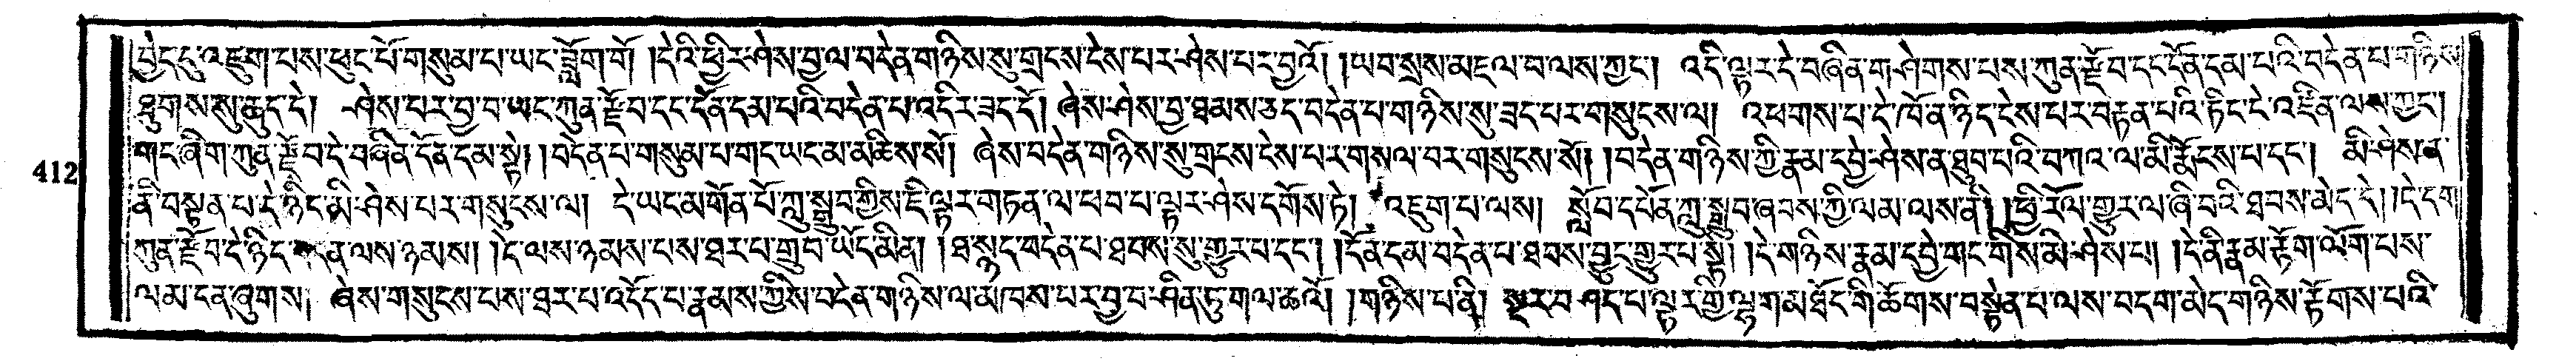བྱེད་དུ་འཇུག་པས་ཕུང་པོ་གསུམ་པ་ཡང་ཟློག་གོ །དེའི་ཕྱིར་ཤེས་བྱ་ལ་བདེན་གཉིས་སུ་གྲངས་ངེས་པར་ཤེས་པར་བྱའོ། །ཡབ་སྲས་མཇལ་བ་ལས་ཀྱང་། འདི་ལྟར་དེ་བཞིན་གཤེགས་པས་ཀུན་རྫོབ་དང་དོན་དམ་པའི་བདེན་པ་གཉིས་
ཐུགས་སུ་ཆུད་དེ། ཤེས་པར་བྱ་བ་ཡང་ཀུན་རྫོབ་དང་དོན་དམ་པའི་བདེན་པ་འདིར་ཟད་དོ། ཞེས་ཤེས་བྱ་ཐམས་ཅད་བདེན་པ་གཉིས་སུ་ཟང་པར་གསུངས་ལ། འཕགས་པ་དེ་ཁོ་ན་ཉིད་ངེས་པར་བརྟན་པའི་ཏིང་ངེ་འཛིན་ལས་ཀྱང་།
གང་ཞིག་ཀུན་རྫོབ་དེ་བཞིན་དོན་དམ་སྟེ། །བདེན་པ་གསུམ་པ་གང་ཡང་མ་མཆིས་སོ། ཞེས་བདེན་གཉིས་སུ་གྲངས་ངེས་པར་གསལ་བར་གསུངས་སོ། །བདེན་གཉིས་ཀྱི་རྣམ་དབྱེ་ཤེས་ན་ཐུབ་པའི་བཀའ་ལ་མི་རྨོངས་པ་དང་། མི་ཤེས་ན་
ནི་བསྟན་པ་དེ་ཉིད་མི་ཤེས་པར་གསུངས་ལ། དེ་ཡང་མགོན་པོ་ཀླུ་སྒྲུབ་ཀྱིས་ཇི་ལྟར་གཏན་ལ་ཕབ་པ་ལྟར་ཤེས་དགོས་ཏེ། འཇུག་པ་ལས། སློབ་དཔོན་ཀླུ་སྒྲུབ་ཞབས་ཀྱི་ལམ་ལས་ནི། །ཕྱི་རོལ་གྱུར་ལ་ཞི་བའི་ཐབས་མེད་དེ། །དེ་དག་
ཀུན་རྫོབ་དེ་ཉིད་གདན་ལས་ཉམས། །དེ་ལས་ཉམས་པས་ཐར་པ་གྲུབ་ཡོད་མིན། །ཐ་སྙད་བདེན་པ་ཐབས་སུ་གྱུར་པ་དང་། །དོན་དམ་བདེན་པ་ཐབས་བྱུང་གྱུར་པ་སྟེ། །དེ་གཉིས་རྣམ་དབྱེ་གང་གིས་མི་ཤེས་པ། །དེ་ནི་རྣམ་རྟོག་ལོག་པས་
ལམ་ངན་ཞུགས། ཞེས་གསུངས་པས་ཐར་པ་འདོད་པ་རྣམས་ཀྱིས་བདེན་གཉིས་ལ་མཁས་པར་བྱ་བ་ཤིན་ཏུ་གལ་ཆའོ། །གཉིས་པ་ནི། སྔར་བཤད་པ་ལྟར་གྱི་ལྷག་མཐོང་གི་ཆོགས་བསྟེན་པ་ལས་བདག་མེད་གཉིས་རྟོགས་པའི་